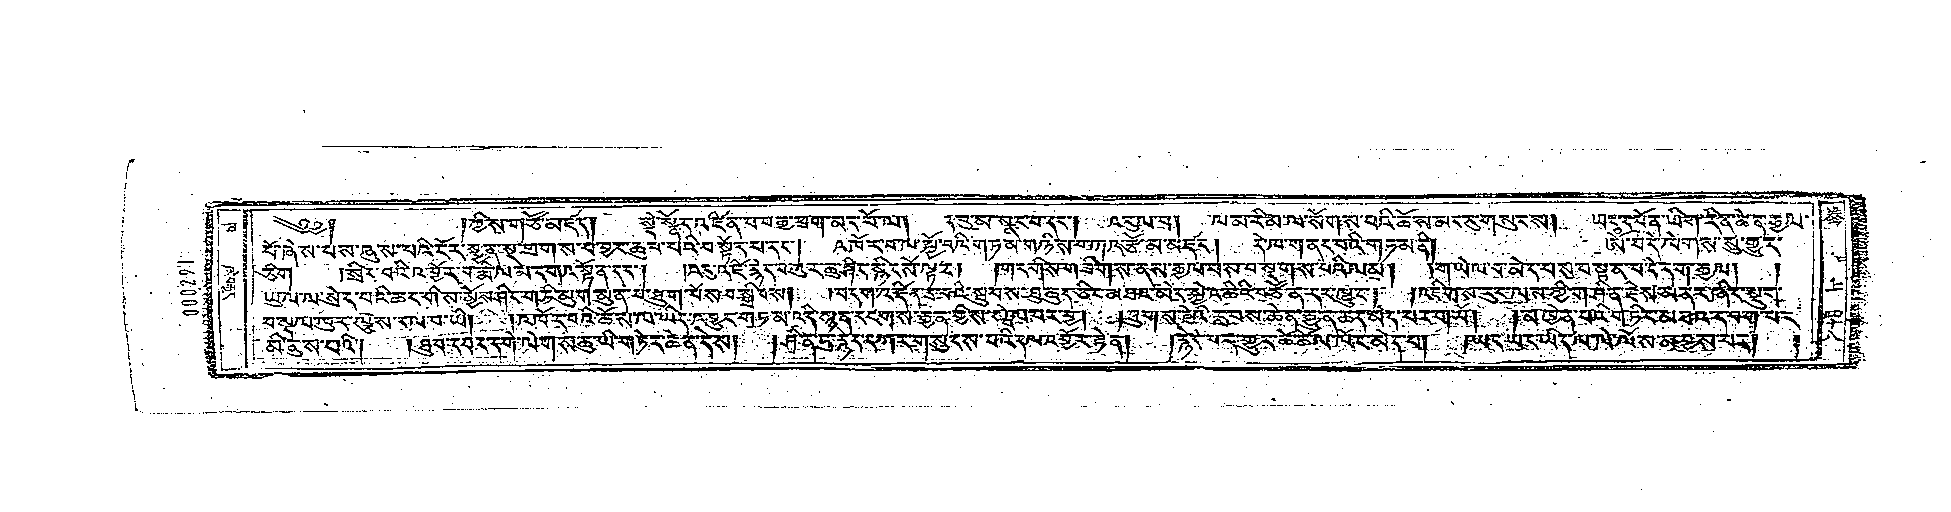༄༅། །ཀྱིས་གཙོ་མཛད། སྡེ་སྣོད་འཛིན་པ་བརྒྱ་ཕྲག་མང་པོ་ལ། དབུ་མ་སྣང་བ་དང་། འདུལ་བ། ལམ་རིམ་ལ་སོགས་པའི་ཆོས་མང་དུ་གསུངས། ཡང་དཔོན་ཡིག་རིན་ཆེན་རྒྱལ་
པོ་ཞེས་པས་ཞུས་པའི་ངོར་སྤྱན་སྔ་གྲགས་པ་བྱང་ཆུབ་པའི་བསྟོད་པ་དང་། འཁོར་བ་ལ་སྐྱོ་བའི་གཏམ་གཉིས་བཀའ་རྩོ་མ་མཛད། དེ་ལ་གནང་པའི་གཏམ་ནི། ཨོཾ་བདེ་ལེགས་སུ་གྱུར་
ཅིག །སྲིད་བའི་འབྱོར་བ་རྨི་ལམ་དགའ་སྟོན་དང་། །བདུ་འཛི་རྙེད་བཀུར་ཆུ་ཤིང་སྙིང་སེ་ལྟར། །གང་གིས་གཟིགས་ནས་རྒྱལ་བས་བསྔགས་པའི་ལམ། །གཡེལ་བ་མེད་པས་བསྟན་པ་དེ་དག་རྒྱལ། །
ཡུལ་ལ་སྲིང་པའི་ཆང་གིས་མྱོས་ཤིང་གཏི་མུག་མུན་པ་ཐུག་པོས་བསྒྲིབས། །བདག་འཛིན་དྲ་བའི་སྤུབས་ཐུ་ཆུད་ཅིང་མཐའ་མེད་སྐྱེ་འཆིའི་བརྩོན་དར་ལྷུང་། །འཇིགས་དུང་ལས་ཀྱི་གཤིན་རྗེས་མནར་ཞིང་སྡུག་
བསྔལ་ཁྲར་ལྕིས་རལ་བ་ཡི། །འཁོར་བའི་ཆོས་ལ་ཡིད་འབྱུང་གཏམ་འདི་སྙན་དངགས་རྒྱན་གྱིས་སྦེལ་བར་བྱ། །ཐུགས་རྗེའི་རླབས་ཆེན་རྒྱུན་ཆད་མེད་པར་གཡོ། །མཁྱེན་པའི་གཏིང་མཐའ་དབག་པར་
མི་ནུས་པའི། །ཐུབ་དབང་དགེ་ལེགས་ཆུ་ཡི་གཏེར་ཆེན་དེས། །ཤིན་ཏུ་རྙེད་དཀའ་གསུངས་པའི་དས་འབྱོར་རྟེན། །རྙེད་པར་གྱུར་ཆོ་ཚོལ་ཁོང་མེད་བ། །ཡང་ཡང་ཡིད་ལ་ལེ་ལོས་མ་བྱས་པར། །